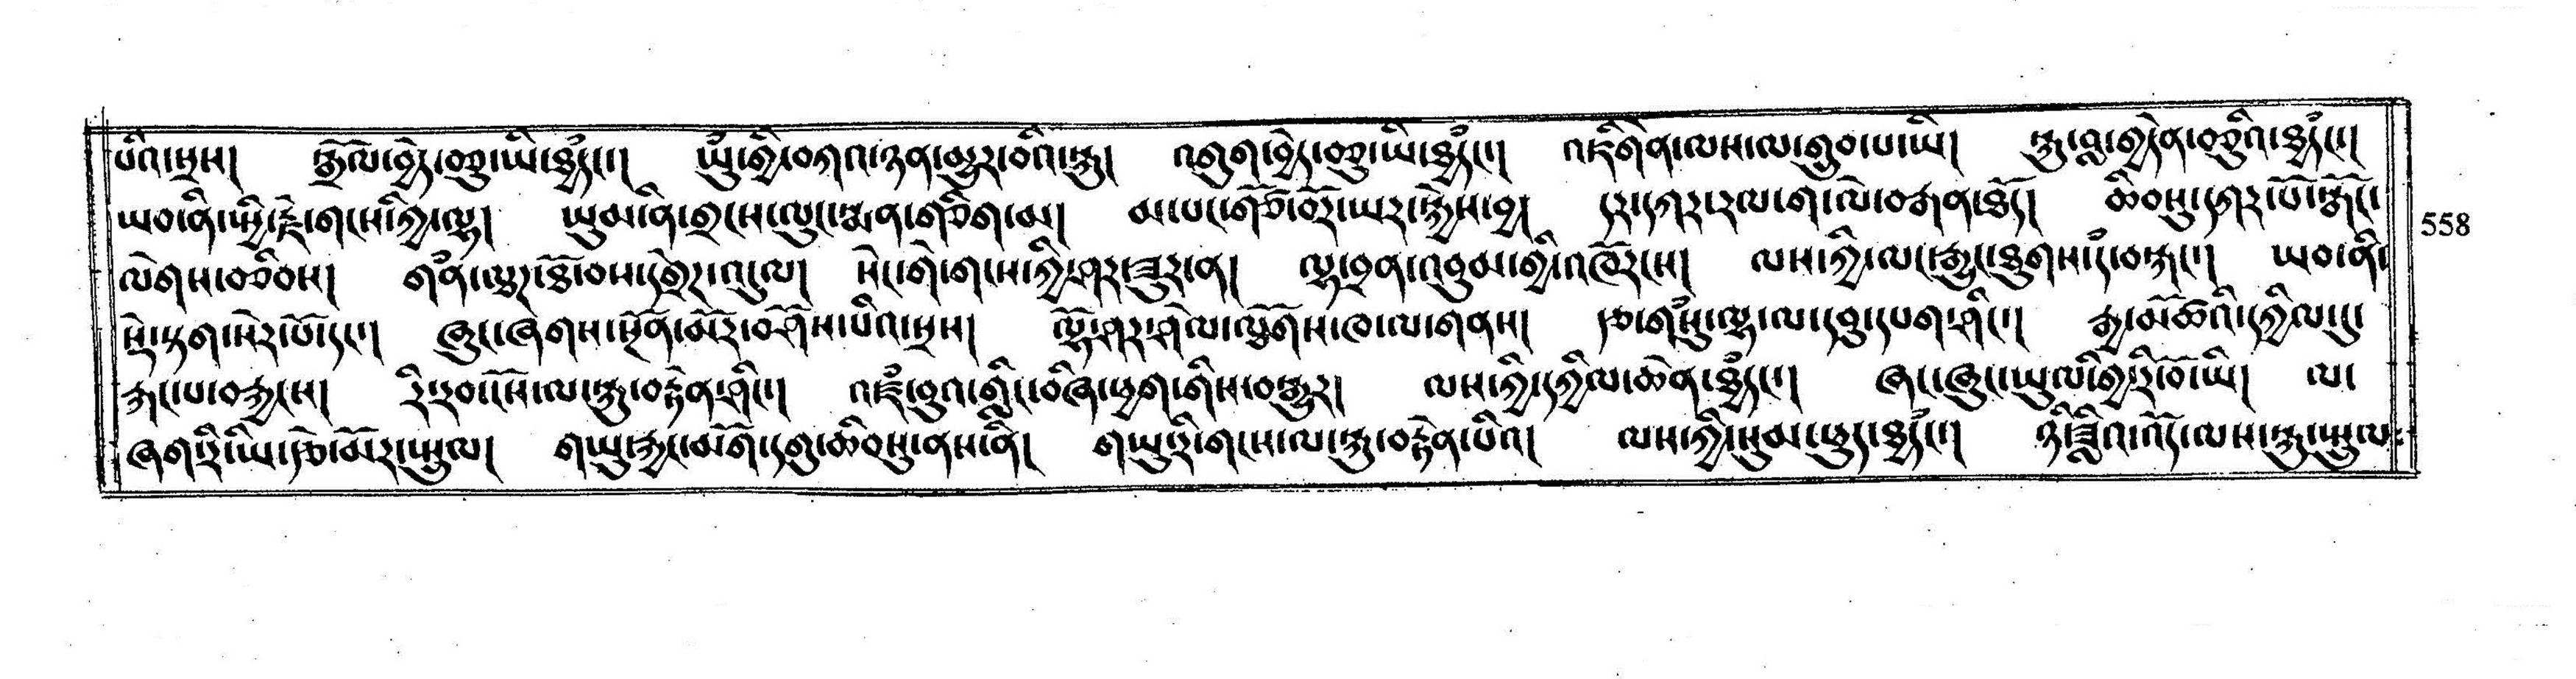པའི་སྲས། སྒྲོལ་བྱེད་བཅུ་ཡི་ཐུགས་དམ་བསྐང་། ཡུམ་གྱི་བཀའ་ཉན་མྱུར་བའི་སྐུ། འགུག་བྱེད་བཅུ་ཡི་ཐུགས་དམ་བསྐང་། འཇིག་རྟེན་ལས་ལ་གྲུབ་པ་ཡི། སྐུ་བླ་གྱད་ཆེན་བཅུའི་ཐུགས་དམ་བསྐང་། 
ཡབ་ནི་སྤྱི་རྗེ་གངས་ཀྱི་ལྷ། ཡུམ་ནི་གྲངས་ལུང་སྨན་གཅིག་མ། མ་པང་གཙོ་བོར་ཡར་སྐྱེས་བྱ། དར་དཀར་རལ་ག་ལེ་བརྒན་ཐོད། ཆིབས་སུ་དཀར་པོ་སྒོང་
ལེགས་བཅིབས། གནམ་ལྕགས་ཐོ་བས་དགྲ་བགེགས་འདུལ། སེང་གེ་གངས་ཀྱི་ཤར་ཟུར་ན། ལྷ་བྲན་འབུམ་གྱི་འཁོར་དང་བཅས། ལས་ཀྱི་ལང་རྒྱུང་ཐུགས་དམ་བསྐང་། ཡབ་ནི་
སྡེ་སྟག་སེར་པོ་དང་། ཞུང་ཞགས་སྔོན་མོར་བཤོས་པའི་སྲས། ལྷོ་ཤར་ཤེལ་ལྕོགས་ཁ་ལ་གནས། རྩ་གསུམ་ལྷ་ལ་དབུ་དཔག་ཤིང་། རྒྱ་མཚོའི་དཀྱིལ་དུ་
རྐང་པ་བརྐྱངས། རི་རབ་ངོས་ལ་སྐུ་བརྟེན་ཤིང་། འཛམ་བུའི་གླིང་བཞི་ཕྱག་གིས་བསྒྱུར། ལས་ཀྱི་དཀྱིལ་ཆེན་ཐུགས་དམ་བསྐང་། ཞང་ཞུང་ཡུལ་གྱི་རི་བོ་ཡི། ལ་
ཞག་རི་ཡི་རྩེ་མོར་སྤྲུལ། གཡུ་རྐྱང་མགོ་དགུ་ཆིབས་ནས་ནི། གཡུ་རི་གངས་ལ་སྐུ་བརྟེན་པའི། ལས་ཀྱི་སུམ་ཕུད་ཐུགས་དམ་བསྐང་། ཉི་ཟླའི་འོད་ལས་སྐུ་སྤྲུལ་